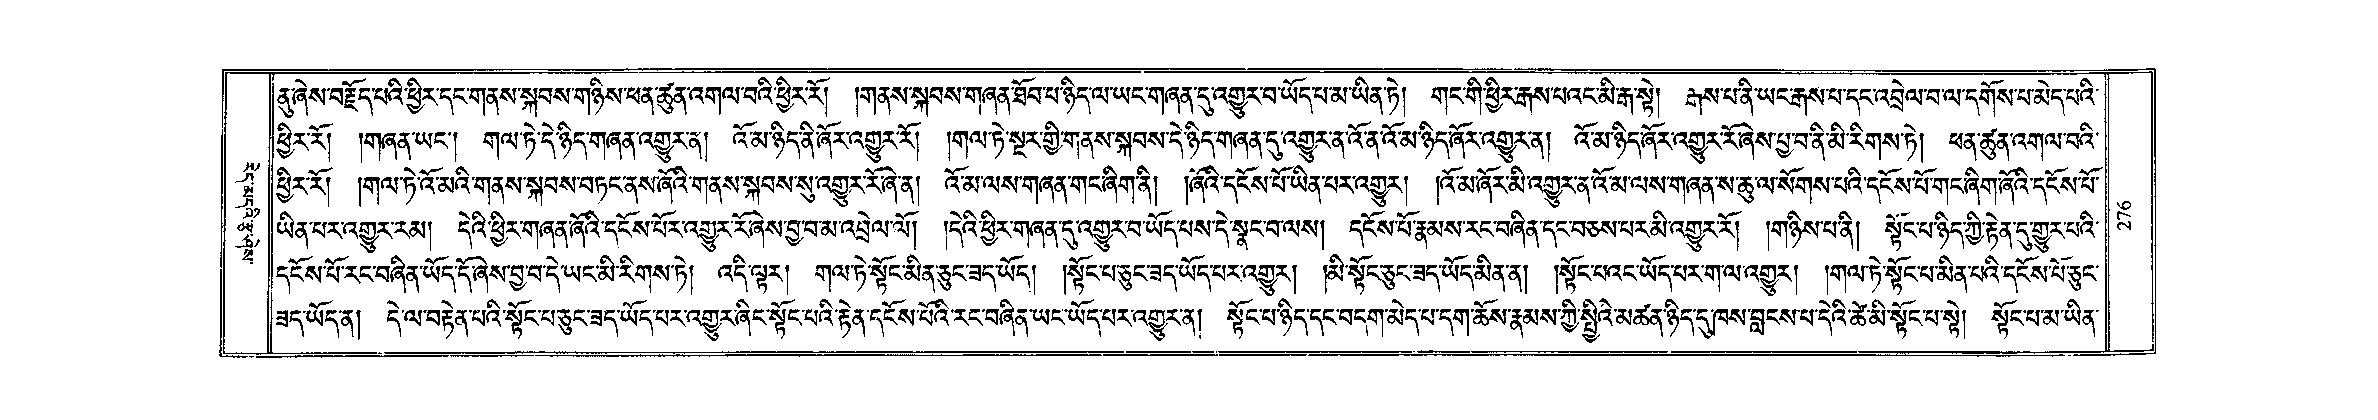ནུ་ཞེས་བརྗོད་པའི་ཕྱིར་དང་གནས་སྐབས་གཉིས་ཕན་ཚུན་འགལ་བའི་ཕྱིར་རོ། །གནས་སྐབས་གཞན་ཐོབ་པ་ཉིད་ལ་ཡང་གཞན་དུ་འགྱུར་བ་ཡོད་པ་མ་ཡིན་ཏེ། གང་གི་ཕྱིར་རྒས་པའང་མི་རྒ་སྟེ། རྒས་པ་ནི་ཡང་རྒས་པ་དང་འབྲེལ་བ་ལ་དགོས་པ་མེད་པའི་
ཕྱིར་རོ། །གཞན་ཡང་། གལ་ཏེ་དེ་ཉིད་གཞན་འགྱུར་ན། འོ་མ་ཉིད་ནི་ཞོར་འགྱུར་རོ། །གལ་ཏེ་སྔར་གྱི་གནས་སྐབས་དེ་ཉིད་གཞན་དུ་འགྱུར་ན་འོ་ན་འོ་མ་ཉིད་ཞོར་འགྱུར་ན། འོ་མ་ཉིད་ཞོར་འགྱུར་རོ་ཞེས་བྱ་བ་ནི་མི་རིགས་ཏེ། ཕན་ཚུན་འགལ་བའི་
ཕྱིར་རོ། །གལ་ཏེ་འོ་མའི་གནས་སྐབས་བཏང་ནས་ཞོའི་གནས་སྐབས་སུ་འགྱུར་རོ་ཞེ་ན། འོ་མ་ལས་གཞན་གང་ཞིག་ནི། །ཞོའི་དངོས་པོ་ཡིན་པར་འགྱུར། །འོ་མ་ཞོར་མི་འགྱུར་ན་འོ་མ་ལས་གཞན་ས་ཆུ་ལ་སོགས་པའི་དངོས་པོ་གང་ཞིག་ཞོའི་དངོས་པོ་
ཡིན་པར་འགྱུར་རམ། དེའི་ཕྱིར་གཞན་ཞོའི་དངོས་པོར་འགྱུར་རོ་ཞེས་བྱ་བ་མ་འབྲེལ་ལོ། །དེའི་ཕྱིར་གཞན་དུ་འགྱུར་བ་ཡོད་པས་དེ་སྣང་བ་ལས། དངོས་པོ་རྣམས་རང་བཞིན་དང་བཅས་པར་མི་འགྱུར་རོ། །གཉིས་པ་ནི། སྟོང་པ་ཉིད་ཀྱི་རྟེན་དུ་གྱུར་པའི་
དངོས་པོ་རང་བཞིན་ཡོད་དོ་ཞེས་བྱ་བ་དེ་ཡང་མི་རིགས་ཏེ། འདི་ལྟར། གལ་ཏེ་སྟོང་མིན་ཅུང་ཟད་ཡོད། །སྟོང་པ་ཅུང་ཟད་ཡོད་པར་འགྱུར། །མི་སྟོང་ཅུང་ཟད་ཡོད་མིན་ན། །སྟོང་པའང་ཡོད་པར་ག་ལ་འགྱུར། །གལ་ཏེ་སྟོང་པ་མིན་པའི་དངོས་པོ་ཅུང་
ཟད་ཡོད་ན། དེ་ལ་བརྟེན་པའི་སྟོང་པ་ཅུང་ཟད་ཡོད་པར་འགྱུར་ཞིང་སྟོང་པའི་རྟེན་དངོས་པོའི་རང་བཞིན་ཡང་ཡོད་པར་འགྱུར་ན། སྟོང་པ་ཉིད་དང་བདག་མེད་པ་དག་ཆོས་རྣམས་ཀྱི་སྤྱིའི་མཚན་ཉིད་དུ་ཁས་བླངས་པ་དེའི་ཚེ་མི་སྟོང་པ་སྟེ། སྟོང་པ་མ་ཡིན་